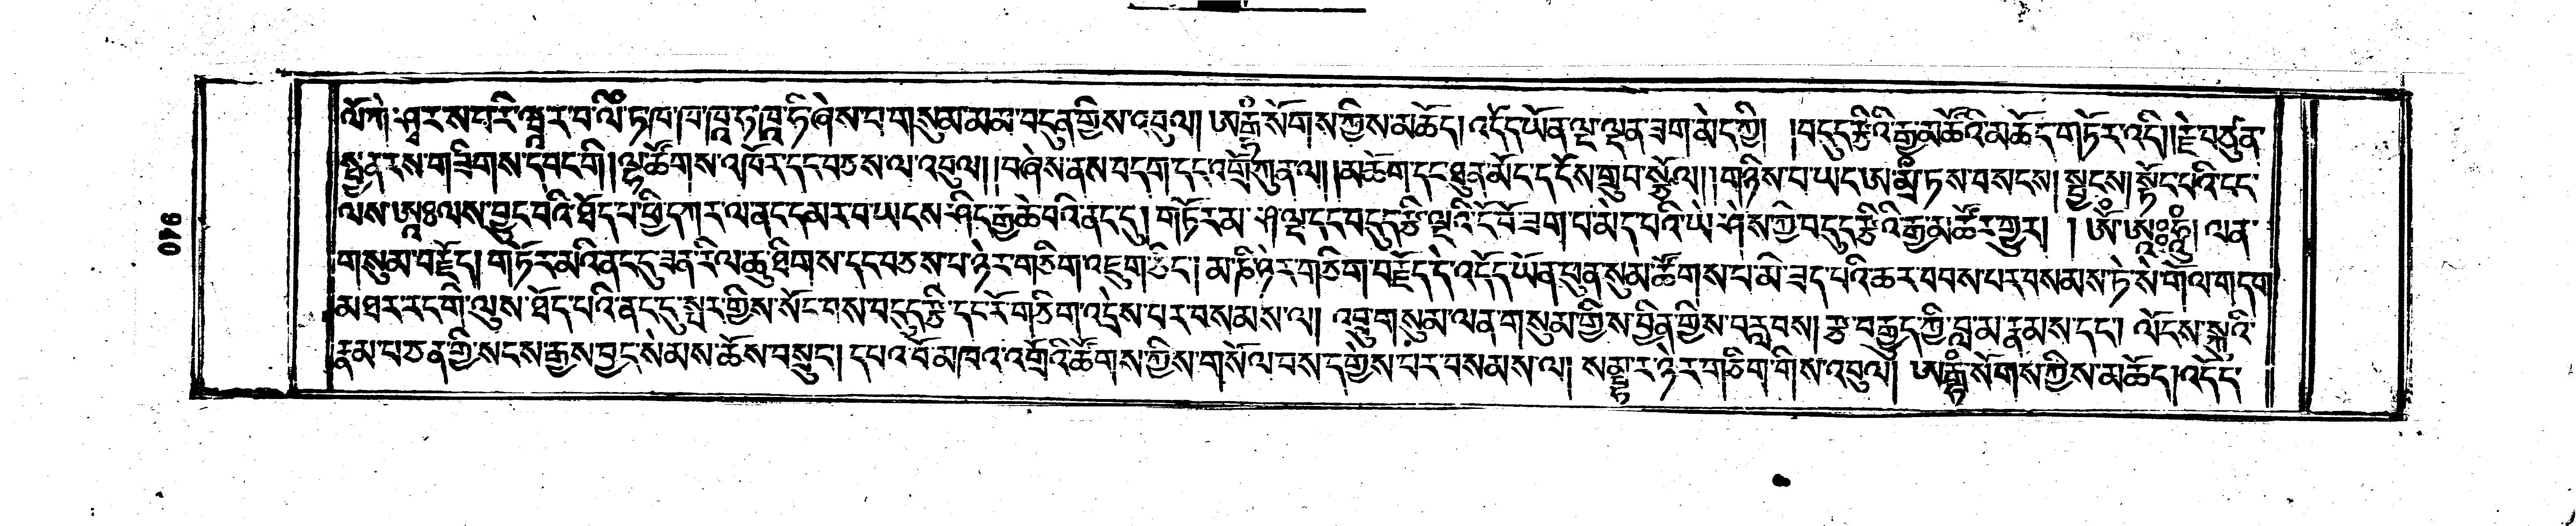ལོ་ཀེ་ཤྭ་ར་ས་པ་རི་ཝཱ་ར་བ་ལིཾ་ཏ་ཁ་ཁ་ཁཱ་ཧི་ཁཱ་ཧི་ཞེས་པ་གསུམ་མམ་བདུན་གྱིས་འབུལ། ཨརྒྷཾ་སོགས་ཀྱིས་མཆོད། འདོད་ཡོན་ལྔ་ལྡན་ཟག་མེད་ཀྱི། །བདུད་རྩིའི་རྒྱ་མཚོའི་མཆོད་གཏོར་འདི། །རྗེ་བཙུན་
སྤྱན་རས་གཟིགས་དབང་གི །ལྷ་ཚོགས་འཁོར་དང་བཅས་ལ་འབུལ། །བཞེས་ནས་བདག་དང་འགྲོ་ཀུན་ལ། །མཆོག་དང་ཐུན་མོང་དངོས་གྲུབ་སྩོལ། །གཉིས་པ་ཡང་ཨ་མྲི་ཏས་བསངས། སྦྱངས། སྟོང་པའི་ངང་
ལས་ཨཱཿ ལས་བྱུང་བའི་ཐོད་པ་ཕྱི་དཀར་ལ་ནང་དམར་བ་ཡངས་ཤིང་རྒྱ་ཆེ་བའི་ནང་དུ། གཏོར་མ་ཤ་ལྔ་དང་བདུད་རྩི་ལྔའི་ངོ་བོ་ཟག་པ་མེད་པའི་ཡེ་ཤེས་ཀྱི་བདུད་རྩིའི་རྒྱ་མཚོར་གྱུར། །ཨོཾ་ཨཱཿ ཧཱུཾ། ལན་
གསུམ་བརྗོད། གཏོར་མའི་ནང་དུ་ཟན་རིལ་ཆུ་ཐིགས་དང་བཅས་པ་ཉེར་གཅིག་འཇུག་ཅིང་། མ་ཎི་ཉེར་གཅིག་བརྗོད་དེ་འདོད་ཡོན་ཕུན་སུམ་ཚོགས་པ་མི་ཟད་པའི་ཆར་བབས་པར་བསམས་ཏེ་སེ་གོལ་གདབ་
མཐར་རང་གི་ལུས་ཐོད་པའི་ནང་དུ་སྤར་གྱིས་སོང་བས་བདུད་རྩི་དང་རོ་གཅིག་འདྲེས་པར་བསམས་ལ། འབྲུ་གསུམ་ལན་གསུམ་གྱིས་བྱིན་གྱིས་བརླབས། རྩ་བརྒྱུད་ཀྱི་བླ་མ་རྣམས་དང་། ལོངས་སྐུའི་
རྣམ་པ་ཅན་གྱི་སངས་རྒྱས་བྱང་སེམས་ཆོས་བསྲུང་། དཔའ་བོ་མཁའ་འགྲོའི་ཚོགས་ཀྱིས་གསོལ་བས་དགྱེས་པར་བསམས་ལ། སམྦྷ་ར་ཉེར་གཅིག་གིས་འབུལ། ཨརྒྷཾ་སོགས་ཀྱིས་མཆོད། འདོད་